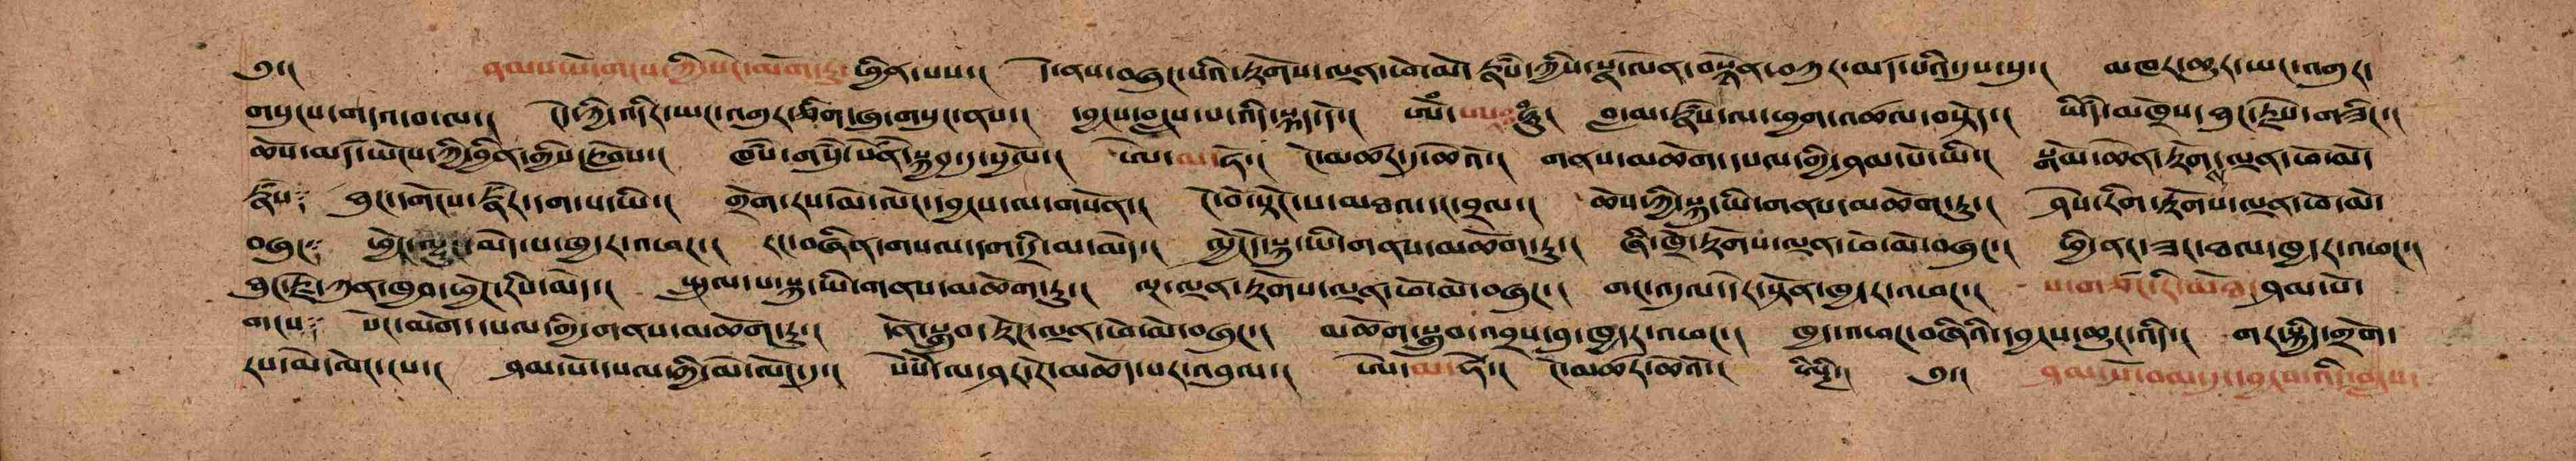༄་། ཤམས་པོ་གངས་ཀྱི་སེང་མོག་ཏུ་ཕྱིན་པས། དེ་ནས་བཞུགས་པའི་རྟོགས་ལྡན་ཕོ་མོ་རྣམས་ཀྱིས་སྣ་ལེན་བསྙེན་བཀུར་མཛད་པའི་དུས་སུ། མཁར་ཆུར་ཡང་འགུར་
གསུངས་གདའ་བ་ལ། ངེད་ཀྱི་འདིར་ཡང་འགུར་ཅིག་ཞུ་གསུང་ནས། དབྱངས་བླངས་པ་འདི་སྐད་དོ། ཨོཾ་ཨཿཧཱུཾ། བླ་མ་རྣམས་ལ་ཕྱག་འཚལ་བསྟོད། ཡིད་དམ་མཁའ་འགྲོས་ཐུགས་རྗེས་གཟིགས། 
ཆོས་མཛད་ཡོངས་ཀྱི་བྱིན་གྱིས་བརློབས། ཁམས་གསུམ་སེམས་ཅན་སྐྱབ་དུ་གསོལ། ཨེ་མ་ཧོ། ངོ་མཚར་དུ་ཆེའོ། གནས་མཆོག་དཔལ་གྱི་ཤམ་པོ་ཡི། སྒོམ་ཆེན་རྟོགས་ལྡན་ཕོ་མོ་
རྣམས། ཐུགས་དགོངས་རྣམ་པར་དག་པ་ཡི། གྲོག་རས་མེ་ལོང་དབྱངས་ལ་གསོན། ངོ་བོ་སྟོང་པ་མཐའ་དང་བྲལ། ཆོས་ཀྱི་སྐུ་ཡི་གནས་མཆོག་ཏུ། ཤེས་རིག་རྟོགས་ལྡན་ཕོ་མོ་
བཞུགས༑ ཕྱོགས་ལྷུང་མེད་པ་ཁྱད་པར་འཕགས། རང་བཞིན་གསལ་དག་དྲི་མ་མེད། ལོངས་སྤྱོད་སྐུ་ཡི་གནས་མཆོག་ཏུ། ཞི་ཁྲོ་རྟོགས་ལྡན་ཕོ་མོ་བཞུགས། ཕྱི་ནང་ཟང་ཐལ་ཁྱད་པར་འཕགས། 
ཐུགས་རྗེ་ཀུན་ཁྱབ་ཕྱོགས་རིས་མེད། སྤྲུལ་པ་སྐུ་ཡི་གནས་མཆོག་ཏུ། ལྔ་ལྡན་རྟོགས་ལྡན་ཕོ་མོ་བཞགས། གང་འདུལ་དེར་སྟོན་ཁྱད་པར་འཕགས། ས་གཙང་རི་མཐོ་ཤམ་པོ་
གངས༑ སེང་མགོ་དཔལ་གྱི་གནས་མཆོག་ཏུ། དོན་སྒྲུབ་རྟོགས་ལྡན་ཕོ་མོ་བཞུགས། མཆོག་སྒྲུབ་འབྲས་བུ་ཁྱད་པར་འཕགས། ཁྱད་འཕགས་བཞིའི་དབྱངས་ཆུང་འདི། གར་སྐྱིད་གྲོག་
རས་མེ་ལོང་ངས། ཤམ་པོ་དཔལ་གྱི་མེ་ལོང་དུ། སེམས་ལ་ཤར་རོ་མཆོད་པར་འབུལ། ཨེ་མ་ཧོ། ངོ་མཚར་ཆེའོ། ཨིཊི། ༄་། ཤམ་པོ་བམ་དུ་དབྱངས་འདི་བླངས།